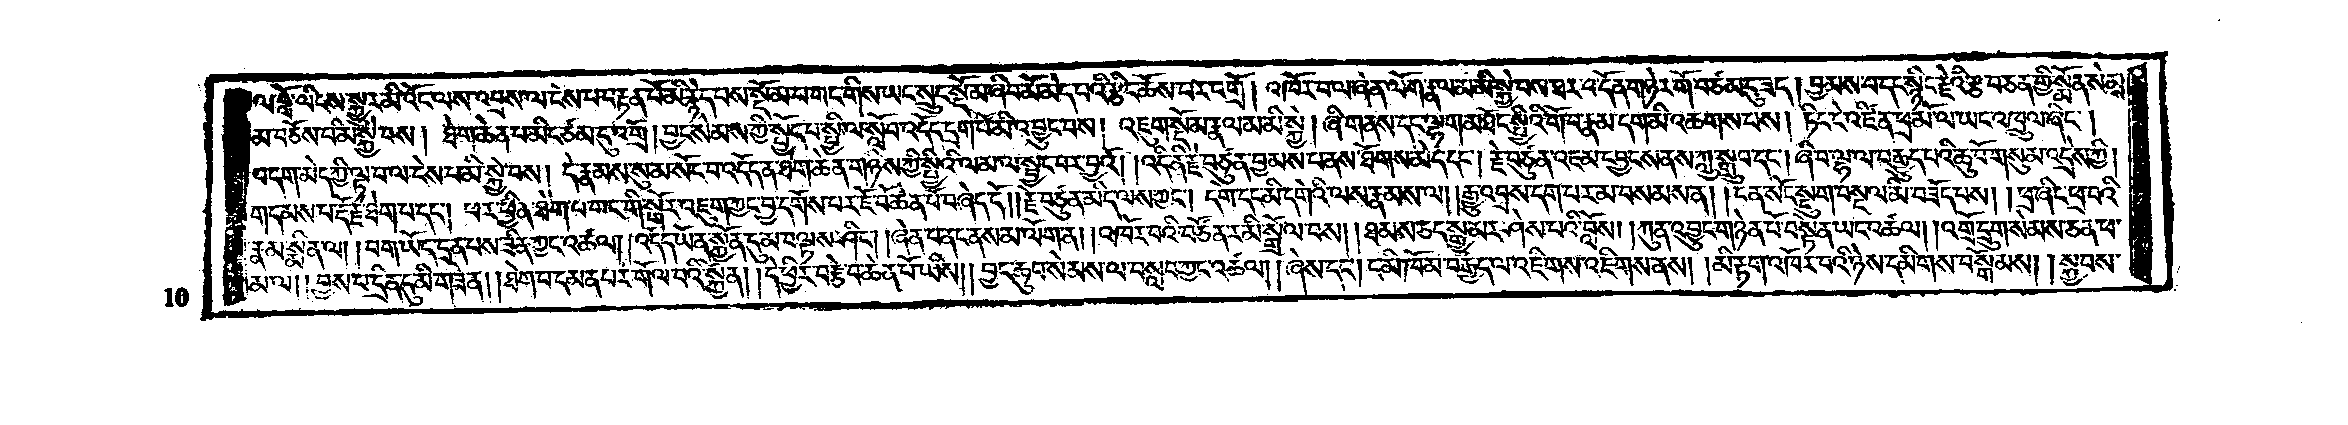ལ་བློ་ལིངས་སྐྱུར་མི་འོང་ལས་འབྲས་ལ་ངེས་པ་བརྟན་པོ་མི་རྙེད་པས་སྡོམ་པ་གང་གིས་ཡང་སྲུང་སྡོམ་ཞིབ་མོ་མེད་པའི་རྩིང་ཆོས་པར་འགྲོ། འཁོར་བ་ལ་ཞེན་ལོག་རྣལ་མ་མི་སྐྱེ་བས་ཐར་པ་དོན་གཉེར་གོ་བ་ཙམ་དུ་ཟད། བྱམས་པ་དང་སྙིང་རྗེའི་རྩ་བ་ཅན་གྱི་སྨོན་སེམས་
མ་བཅོས་པ་མི་སྐྱེ་བས། ཐེག་ཆེན་པ་མིང་ཙམ་དུ་འགྲོ། བྱང་སེམས་ཀྱི་སྤྱོད་པ་སྤྱི་ལ་སློབ་འདོད་དྲག་པོ་མི་འབྱུང་བས། འཇུག་སྡོམ་རྣལ་མ་མི་སྐྱེ། ཞི་གནས་དང་ལྷག་མཐོང་སྤྱིའི་གོ་བ་རྣམ་དག་མི་འཆགས་པས། ཏིང་ངེ་འཛིན་ཕྲ་མོ་ལ་ཡང་འཁྲུལ་ཞིང་།
བདག་མེད་ཀྱི་ལྟ་བ་ལ་ངེས་པ་མི་སྐྱེ་བས། དེ་རྣམས་སུ་མ་སོང་བ་འདོད་ན་ཐེག་ཆེན་གཉིས་ཀྱི་སྤྱིའི་ལམ་ལ་སྦྱང་བར་བྱའོ། །འདི་ནི་རྗེ་བཙུན་བྱམས་པ་ནས་ཐོགས་མེད་དང་། རྗེ་བཙུན་འཇམ་དབྱངས་ནས་ཀླུ་སྒྲུབ་དང་། ཞི་བ་ལྷ་ལ་བརྒྱུད་པའི་ཆུ་བོ་གསུམ་འདྲེས་ཀྱི།
གདམས་པ་རྡོ་རྗེ་ཐེག་པ་དང་། ཕར་ཕྱིན་ཐེག་པ་གང་གི་སྒོར་འཇུག་ཀྱང་བྱ་དགོས་པར་ཇོ་བོ་ཆེན་པོ་བཞེད་དོ། །རྗེ་བཙུན་མིད་ལས་ཀྱང་། དགེ་དང་མི་དགེའི་ལས་རྣམས་ལ། །རྒྱུ་འབྲས་དག་པར་མ་བསམས་ན། །ངན་སོང་སྡུག་བསྔལ་མི་བཟོད་པས། །ཕྲ་ཞིང་ཕྲ་བའི་
རྣམ་སྨིན་ལ། །བག་ཡོད་དྲན་པས་ཟིན་ཀྱང་འཚལ། །འདོད་ཡོན་སྐྱོན་དུ་མ་བལྟས་ཤིང་། །ཞེན་པ་ནང་ནས་མ་ལོག་ན། །འཁོར་བའི་བཙོན་ར་མི་སྒྲོལ་བས། །ཐམས་ཅད་སྒྱུ་མར་ཤེས་པའི་བློས། །ཀུན་འབྱུང་གཉེན་པོ་བསྟེན་ཡང་འཚལ། །འགྲོ་དྲུག་སེམས་ཅན་ཕ་
མ་ལ། །བྱས་པ་དྲིན་དུ་མི་གཟེ་ན། །ཐེག་པ་དམན་པར་གོལ་བའི་སྐྱོན། །དེ་ཕྱིར་བརྩེ་བ་ཆེན་པོ་ཡིས། །བྱང་ཆུབ་སེམས་ལ་བསླབ་ཀྱང་འཚལ། །ཞེས་དང་། ང་མི་ཁོམ་བརྒྱད་ལ་འཇིགས་འཇིགས་ནས། །མི་རྟག་འཁོར་བའི་ཉེས་དམིགས་བསྒོམས། །སྐྱབས་